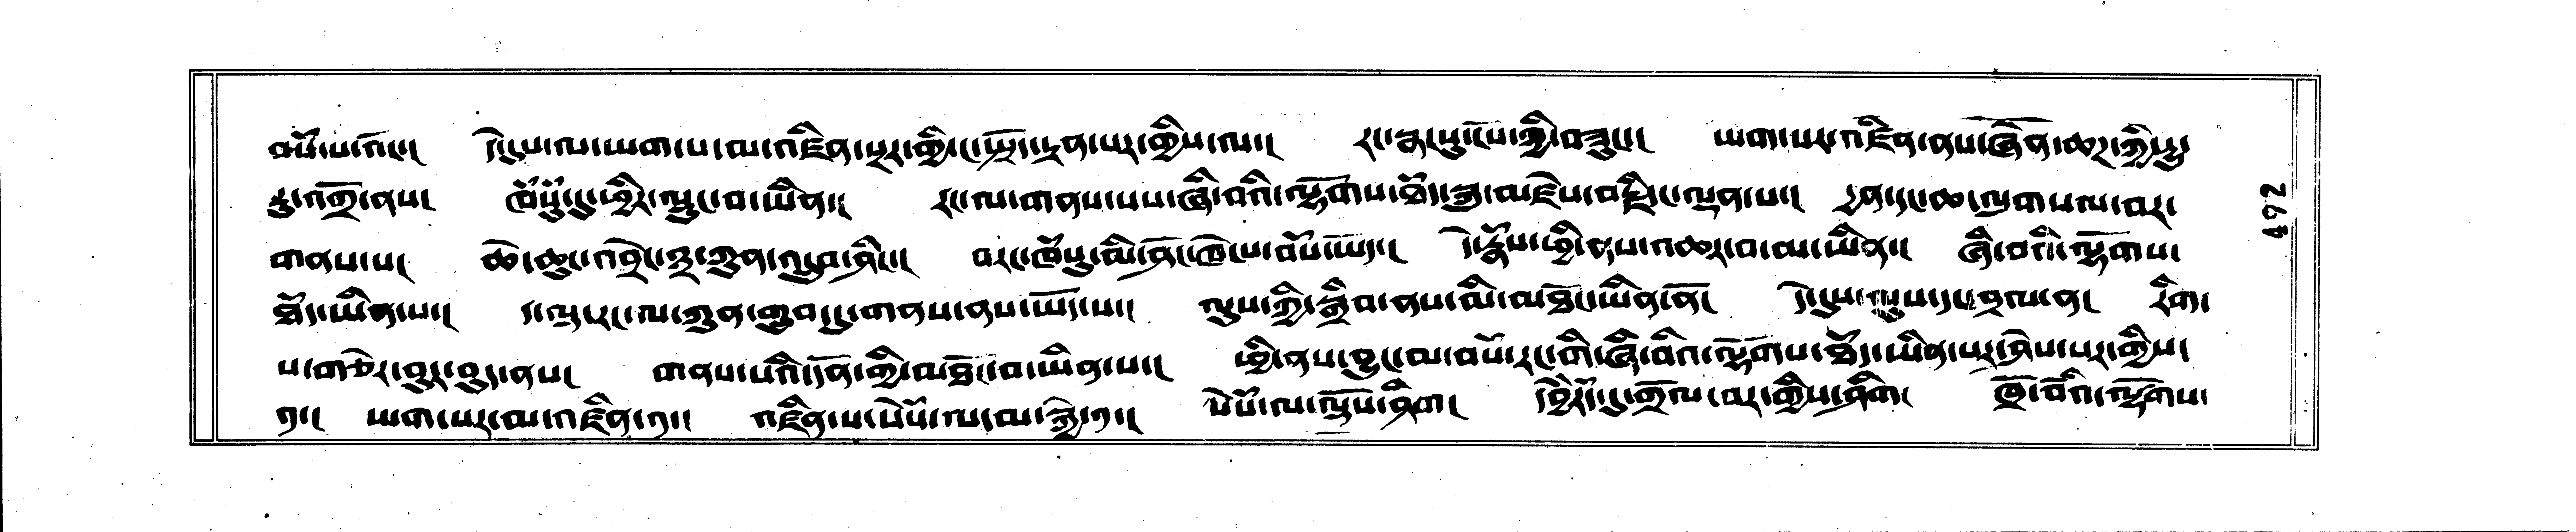བསམ་པ་འོང་། དེའི་དུས་ལ་ཡག་པར་མ་འཛིན། སྔར་གྱིས་ངོ་སྤྲད་དྲན་པར་གྱིས་ལ་རང་སྣང་སུ་ངོས་ཀྱིས་ཟུང་། ཡག་པར་འཛིན་ན་ཆགས་ཞེན་གྱིས་རྒྱུར་
འགྲོ་ནས། ཁམས་གསུམ་དུ་ཕྱིར་ལྟུང་བ་ཡིན་། རང་ལ་གནས་པའི་ཞི་བའི་ལྷ་ཚོགས་ཐམས་ཅད་སྐུ་མཛེས་བརྗིད་དང་ལྡན་པ། རྒྱན་དང་ཆ་ལུགས་གསལ་བར་
གནས་པ། ཆེ་ཆུང་འབྲིང་གསུམ་ཀུན་དྲུང་༼འདྲེས༽ཤིན་བར་སྣང་ཁམས་སུ་མི་ཤོང་ཁེང་ཟིན་བསམ་པ་ཡོང་། དེ་རྣམས་ཕྱི་ནས་འཆར་བ་མ་ཡིན། ཞི་བའི་ལྷ་
ཐམས་ཡིན་པས། ད་ལྟ་རང་ལ་ལྷུན་གྲུབ་དུ་གནས་ནས་ཡོད་པ། ལུས་ཀྱི་སྒྲིབ་པས་མི་མཐོང་བ་ཡིན་ནོ། དེ་དུས་ལུས་དང་བྲལ་ནས། རིག་
པ་གཅེར་བུར་བུད་ནས་གནས་པའི་དོན་གྱིས་མཐོང་བ་ཡིན་པས། ཕྱི་ནས་བྱུང་མ་བསམ། རང་གིས་ཞི་བའི་ལྷ་ཚོགས་ཐམས་ཅད་ཡིད་༼ཡིན༽པར་ཤེས་པར་གྱིས་
ཤིག ཡག་པར་མ་འཛིན་ཅིག འཇིགས་པའི་སེམས་མ་སྐྱེ་ཅིག སེམས་ལ་ལྟོས་ཤིག དབྱེར་མེད་དུ་གྲོལ་བར་གྱིས་ཤིག ཁྲོ་བོའི་ལྷ་ཚོགས་